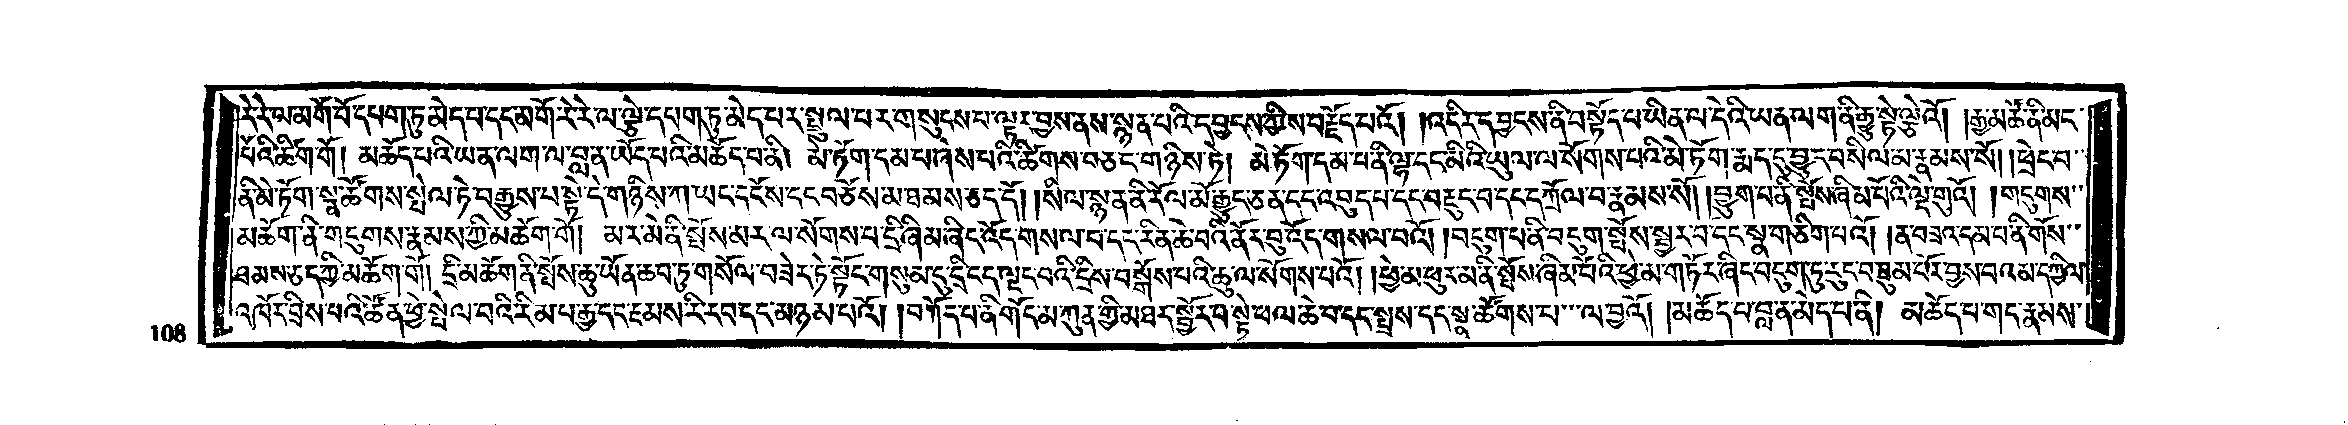རེ་རེ་ལ་མགོ་བོ་དཔག་ཏུ་མེད་པ་དང་མགོ་རེ་རེ་ལ་ལྕེ་དཔག་ཏུ་མེད་པར་སྤྲུལ་བར་གསུངས་པ་ལྟར་བྱས་ནས་སྙན་པའི་དབྱངས་ཀྱིས་བརྗོད་པའོ། །འདིར་དབྱངས་ནི་བསྟོད་པ་ཡིན་ལ་དེའི་ཡན་ལག་ནི་རྒྱུ་སྟེ་ལྕེའོ། །རྒྱ་མཚོ་ནི་མང་
པོའི་ཚིག་གོ །མཆོད་པའི་ཡན་ལག་ལ་བླ་ན་ཡོད་པའི་མཆོད་པ་ནི། མེ་ཏོག་དམ་པ་ཞེས་པའི་ཚིགས་བཅད་གཉིས་ཏེ། མེ་ཏོག་དམ་པ་ནི་ལྷ་དང་མིའི་ཡུལ་ལ་སོགས་པའི་མེ་ཏོག་རྨད་དུ་བྱུང་བ་སིལ་མ་རྣམས་སོ། །ཕྲེང་བ་
ནི་མེ་ཏོག་སྣ་ཚོགས་སྤེལ་ཏེ་བརྒྱུས་པ་སྟེ་དེ་གཉིས་ཀ་ཡང་དངོས་དང་བཅོས་མ་ཐམས་ཅད་དོ། །སིལ་སྙན་ནི་རོལ་མོ་རྒྱུད་ཅན་དང་འབུད་པ་དང་བརྡུང་བ་དང་དཀྲོལ་བ་རྣམས་སོ། །བྱུག་པ་ནི་སྤོས་ཞིམ་པོའི་ལྡེ་གུའོ། །གདུགས་
མཆོག་ནི་གདུགས་རྣམས་ཀྱི་མཆོག་གོ །མར་མེ་ནི་སྤོས་མར་ལ་སོགས་པ་དྲི་ཞིམ་ཞིང་འོད་གསལ་བ་དང་རིན་ཆེ་བའི་ནོར་བུ་འོད་གསལ་བའོ། །བདུག་པ་ནི་བདུག་སྤོས་སྦྱར་བ་དང་སྣ་གཅིག་པའོ། །ན་བཟའ་དམ་པ་ནི་གོས་
ཐམས་ཅད་ཀྱི་མཆོག་གོ །དྲི་མཆོག་ནི་སྤོས་ཆུ་ཡོན་ཆབ་ཏུ་གསོལ་བ་ཟེར་ཏེ་སྟོང་གསུམ་དུ་དྲི་ངད་ལྡང་བའི་དྲིས་བསྒོས་པའི་ཆུ་ལ་སོགས་པའོ། །ཕྱེ་མ་ཕུར་མ་ནི་སྤོས་ཞིམ་པོའི་ཕྱེ་མ་གཏོར་ཞིང་བདུག་ཏུ་རུང་བ་ཐུམ་པོར་བྱས་པའམ་དཀྱིལ་
འཁོར་བྲིས་པའི་ཚོན་ཕྱེ་སྤེལ་བའི་རིམ་པ་རྒྱ་དང་རྔམས་རི་རབ་དང་མཉམ་པའོ། །བཀོད་པ་ནི་གོང་མ་ཀུན་གྱི་མཐར་སྦྱོར་བ་སྟེ་ཕལ་ཆེ་བ་དང་སྤྲས་པ་དང་སྣ་ཚོགས་པ་ལ་བྱའོ། །མཆོད་པ་བླ་ན་མེད་པ་ནི། མཆོད་པ་གང་རྣམས་